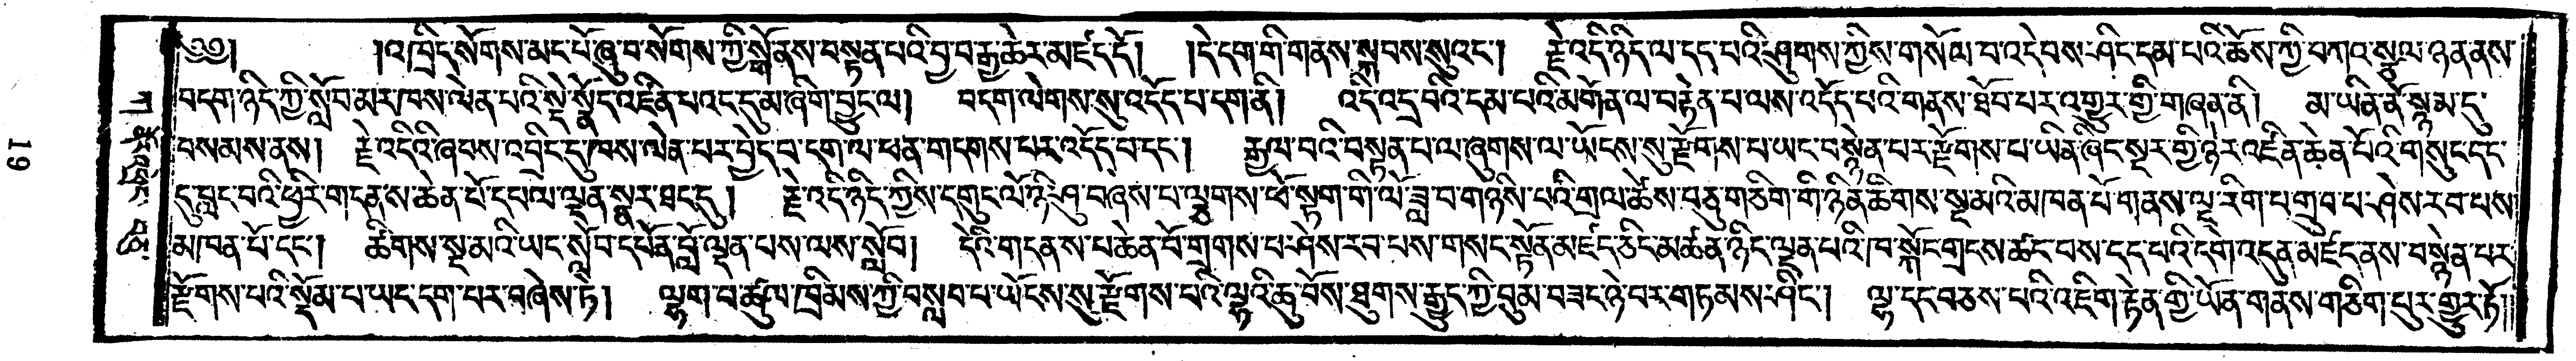༄༅། །འཁྲིད་སོགས་མང་པོ་ཞུ་བ་སོགས་ཀྱི་སྒོ་ནས་བསྟན་པའི་བྱ་བ་རྒྱ་ཆེར་མཛད་དོ། །དེ་དག་གི་གནས་སྐབས་སུའང་། རྗེ་འདི་ཉིད་ལ་དད་པའི་ཤུགས་ཀྱིས་གསོལ་བ་འདེབས་ཤིང་དམ་པའི་ཆོས་ཀྱི་བཀའ་སྩལ་ཉན་ནས་
བདག་ཉིད་ཀྱི་སློབ་མར་ཁས་ལེན་པའི་སྡེ་སྣོད་འཛིན་པའང་དུ་མ་ཞིག་བྱུང་ལ། བདག་ལེགས་སུ་འདོད་པ་དག་ནི། འདི་འདྲ་བའི་དམ་པའི་མགོན་ལ་བརྟེན་པ་ལས་འདོད་པའི་གནས་ཐོབ་པར་འགྱུར་གྱི་གཞན་ནི། མ་ཡིན་ནོ་སྙམ་དུ་
བསམས་ནས། རྗེ་འདིའི་ཞབས་འབྲིང་དུ་ཁས་ལེན་པར་བྱེད་པ་དག་ལ་ཕན་གདགས་པར་འདོད་པ་དང་། རྒྱལ་བའི་བསྟན་པ་ལ་ཞུགས་ལ་ཡོངས་སུ་རྫོགས་པ་ཡང་བསྙེན་པར་རྫོགས་པ་ཡིན་ཞིང་སྔར་གྱི་ཉེར་འཛིན་ཆེན་པོའི་གསུང་དང་
དུ་བླང་བའི་ཕྱིར་གདན་ས་ཆེན་པོ་དཔལ་ལྡན་སྣར་ཐང་དུ། རྗེ་འདི་ཉིད་ཀྱིས་དགུང་ལོ་ཉི་ཤུ་བཞེས་པ་ལྕགས་ཕོ་སྟག་གི་ལོ་ཟླ་བ་གཉིས་པའི་གྲལ་ཚེས་བཅུ་གཅིག་གི་ཉིན་ཆིགས་སྔ་མའི་མཁན་པོ་གནས་ལྔ་རིག་པ་གྲུབ་པ་ཤེས་རབ་པས་
མཁན་པོ་དང་། ཚིགས་སྔ་མའི་ཡང་སློབ་དཔོན་བློ་ལྡན་པས་ལས་སློབ། དེའི་གདན་ས་པ་ཆེན་པོ་གྲགས་པ་ཤེས་རབ་པས་གསང་སྟོན་མཛད་ཅིང་མཚན་ཉིད་ལྡན་པའི་ཁ་སྐོང་གྲངས་ཚང་བས་དད་པའི་དགེ་འདུན་མཛད་ནས་བསྙེན་པར་
རྫོགས་པའི་སྡོམ་པ་ཡང་དག་པར་བཞེས་ཏེ། ལྷག་པ་ཚུལ་ཁྲིམས་ཀྱི་བསླབ་པ་ཡོངས་སུ་རྫོགས་པའི་ལྷའི་ཆུ་བོས་ཐུགས་རྒྱུད་ཀྱི་བུམ་བཟང་ཉེ་བར་གཏམས་ཤིང་། ལྷ་དང་བཅས་པའི་འཇིག་རྟེན་གྱི་ཡོན་གནས་གཅིག་པུར་གྱུར་ཏོ།།